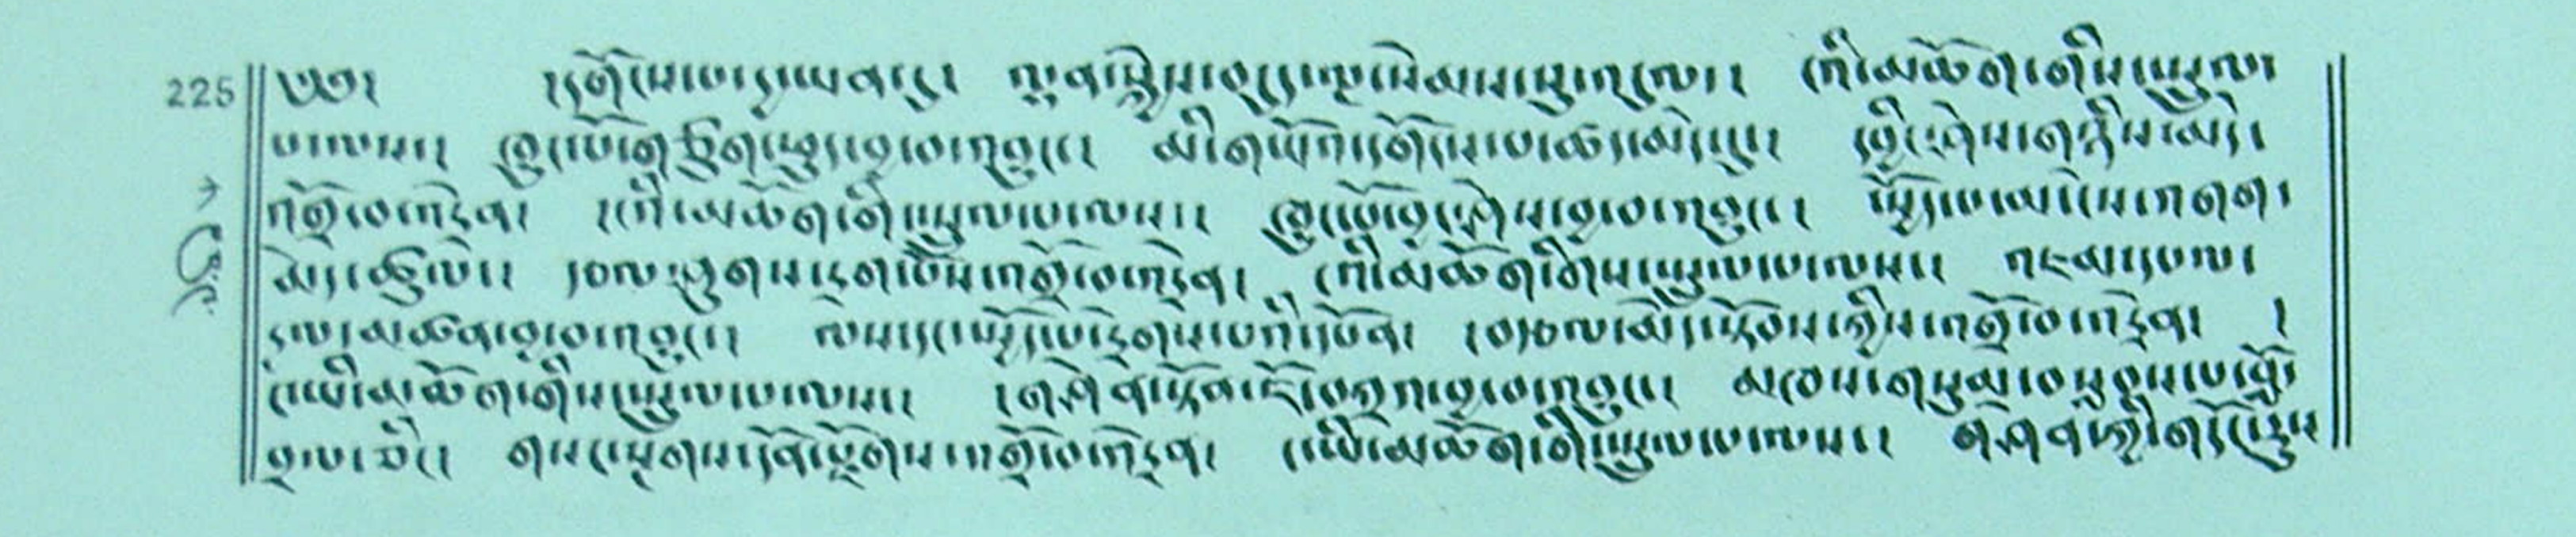དགོངས་པ་རྒྱ་ཡན་དུ། ལྷན་སྐྱེས་བདུད་ལྔ་སེམས་སུ་འདུལ། ང་ཡི་མཆོག་གི་སྤྲུལ་
པ་ལས། ཁྱུང་བོ་གཙུག་ཕུད་བྱ་བ་འབྱུང་། མི་གཡོ་དགོངས་པ་ཚད་མེད་དུ། དབྱིངས་ཤེས་གཉིས་མེད་
འགྲོ་བ་འདྲེན། ང་ཡི་མཆོག་གི་སྤྲུལ་པ་ལས། ཁྱུང་བོ་བྱང་ཤེས་བྱ་བ་འབྱུང་། སྤྱོད་པ་མ་ངེས་འགག་
མེད་ཚུལ། རྩལ་ཤུགས་དྲག་པོས་འགྲོ་བ་འདུལ། ང་ཡི་མཆོག་གི་སྤྲུལ་པ་ལས། འཇམ་དཔལ་
རྒྱལ་མཚན་བྱ་བ་འབྱུང་། ལས་དང་སྤྱོད་པ་དྲེགས་པའི་དཔོན། བརྩལ་མེད་སྟོབས་ཀྱིས་འགྲོ་བ་འདྲེན། 
ང་ཡི་མཆོག་གི་སྤྲུལ་པ་ལས། གཤེན་སྟོན་ཇོ་བཀྲའ་བྱ་བ་འབྱུང་། མཁས་གསུམ་བསླབས་པ་བློ་
བྲལ་ཅིང་། གསང་སྔགས་དོན་རྫོགས་འགྲོ་བ་འདྲེན། ང་ཡི་མཆོག་གི་སྤྲུལ་པ་ལས། གཤེན་གྱི་གདུང་རུས་